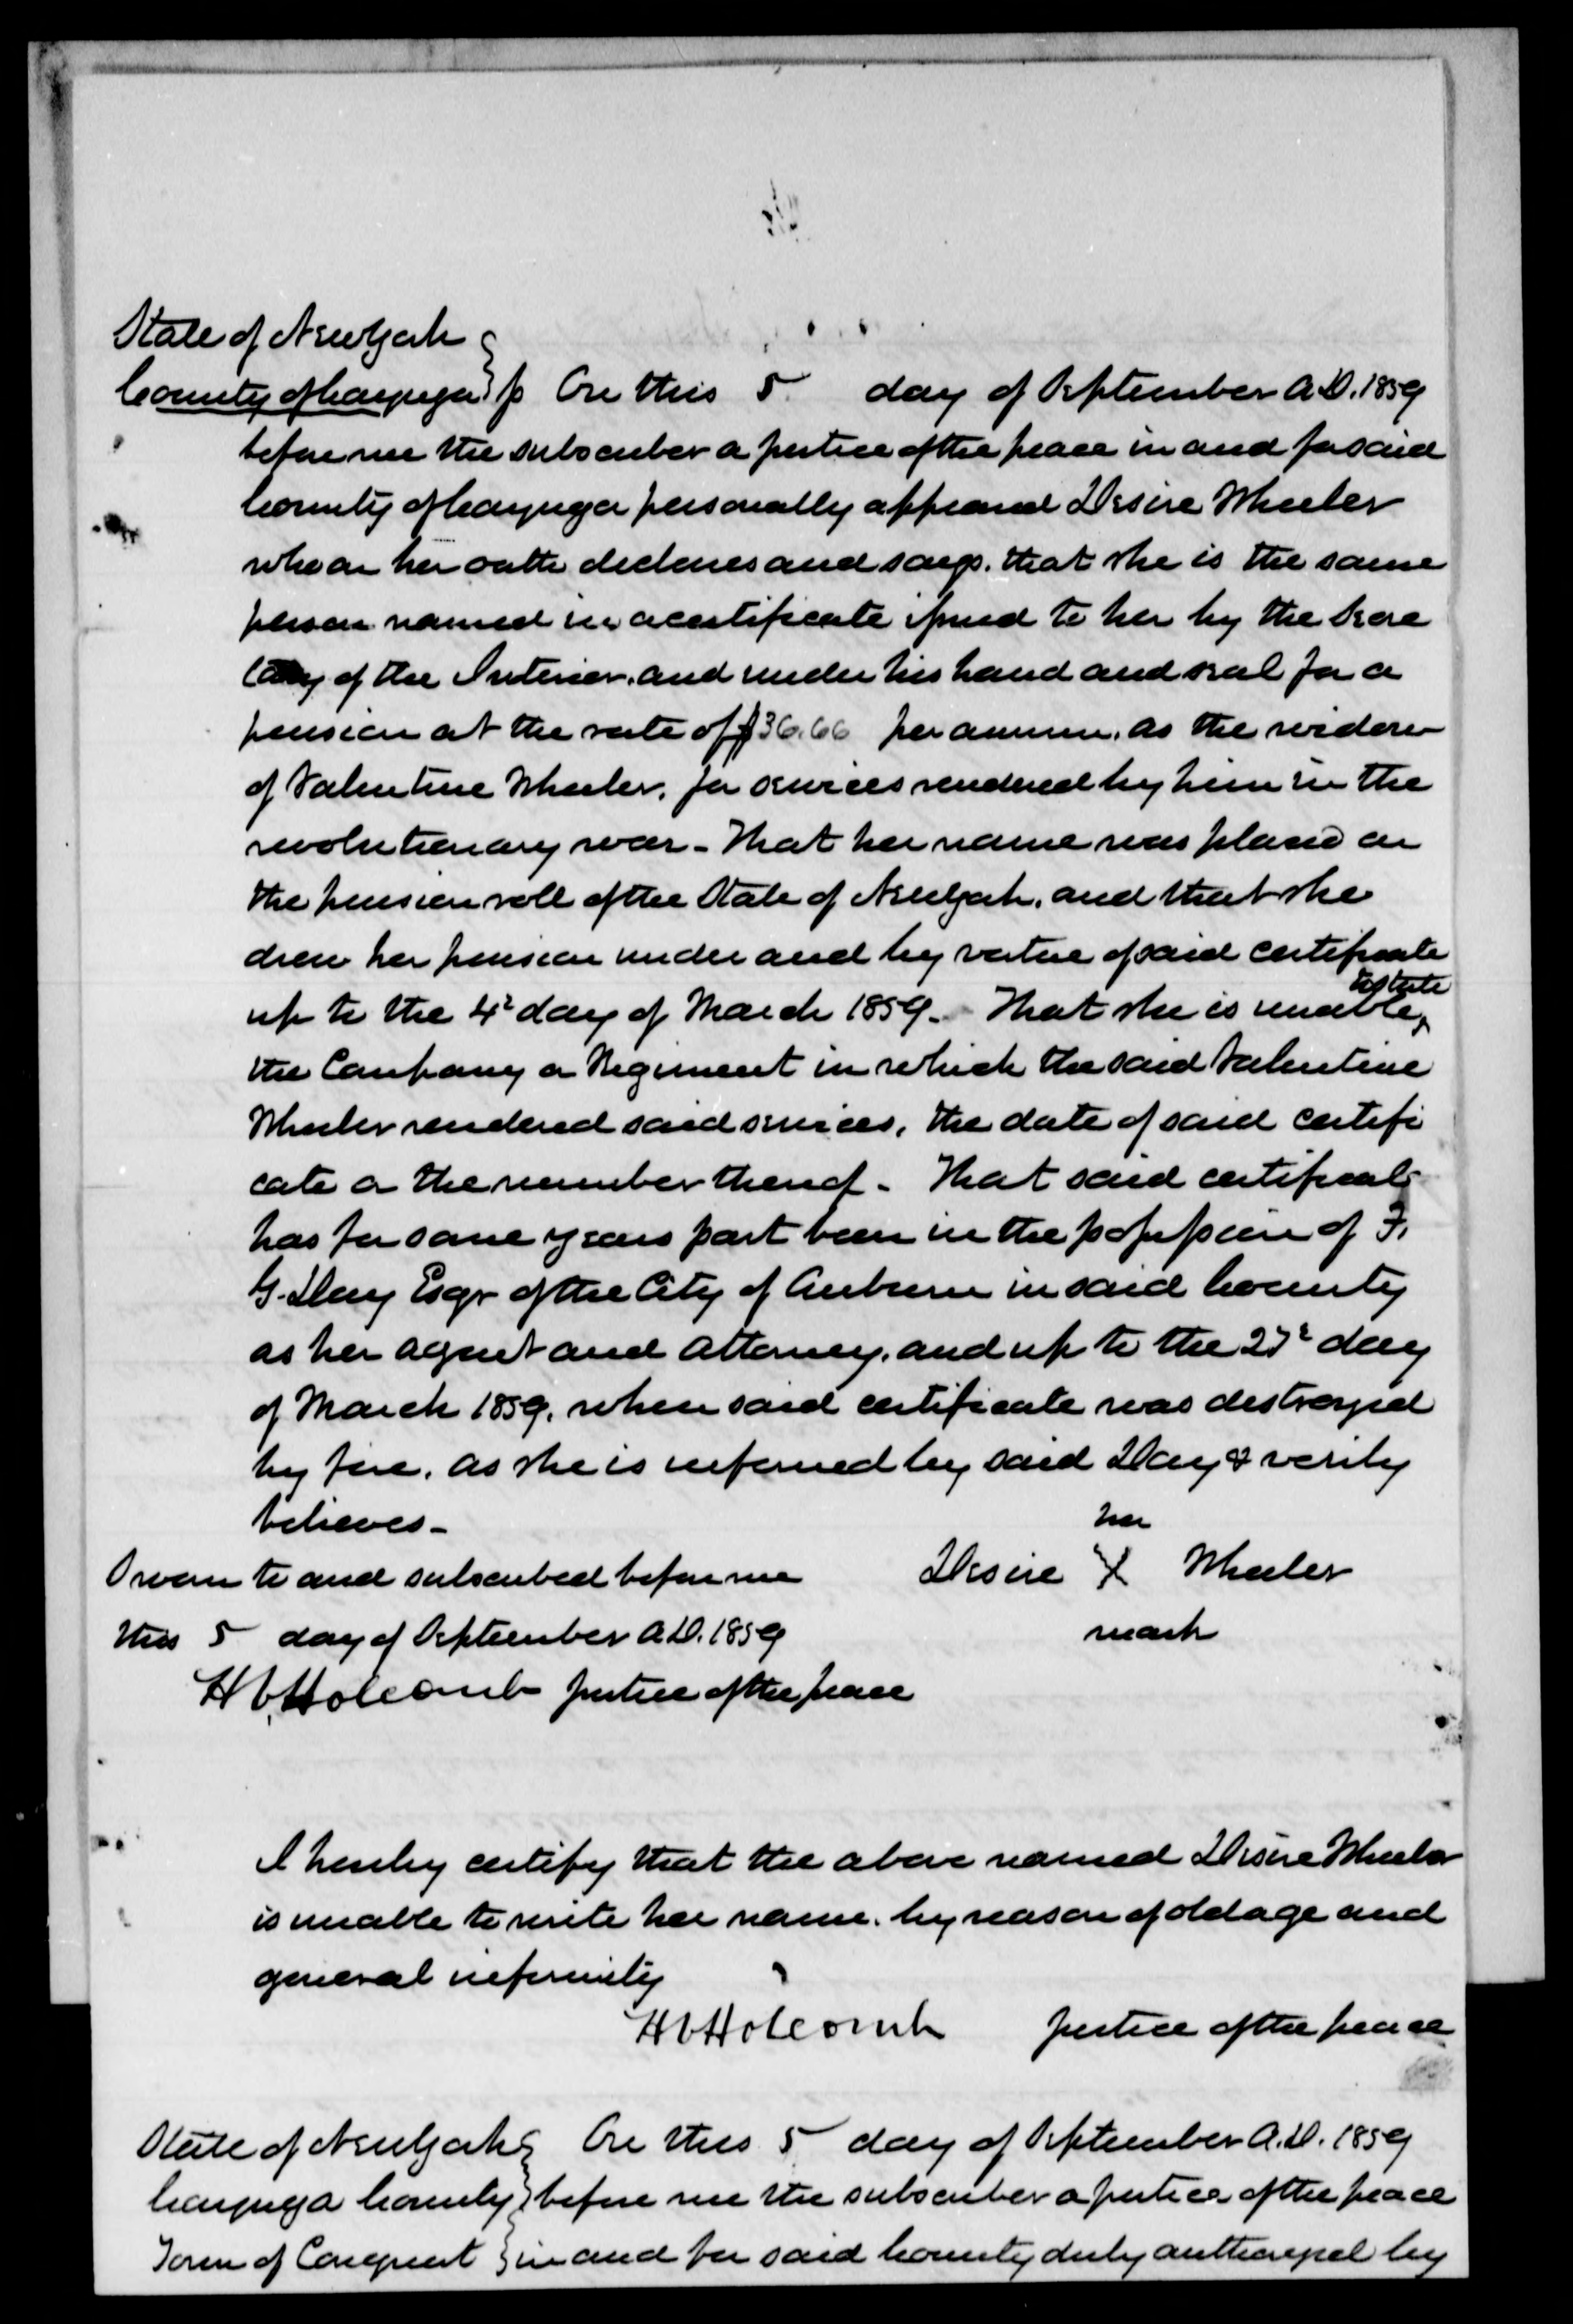State of New York
County of Cayuga ss.
On this 5 day of September A. D. 1859 before me the subscriber a Justice of the peace in and for said County of Cayuga personally appeared Desire Wheeler who on her oath declared and says that she is the same person named in a certificate issued to her by the Secretary of the Interior and under his hand and seal for a pension at the rate of $36.66 per annum, as the widow of Valentine Wheeler for services rendered  by him in the revolutionary war. That her name was placed on the pension roll of the State of New York and that she drew her pension under and by virtue of said certificate up to the 4th day of March 1859. that she is unable to state the company or Regiment in which the said Valentine Wheeler rendered said services, the date of said certificate or the number thereof. That said certificate has for some years past been in the possession of F. G. Day Esqr. of the city of Auburn in said County as her agent and attorney and up to the 27th day of March 1859 when said certificate was destroyed by fire as she is informed by said Day & verily believes.
Desire  X  Wheeler
her mark
Sworn to and subscribed before me this 5 day of September A. D. 1859
H. V. Holecomb Justice of the peace

I hereby certify that the above named Desire Wheeler is unable to write her name by reason of old age and general infirmity.
H. V. Holecomb Justice of the peace

State of New York
Cayuga County, Town of Conquest
On this 5 day of September A. D. 1859 before me the subscriber justice of the peace in and for said County duly authorized by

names: Desire Wheeler, F G Day, Valentine Wheeler, H V Holcomb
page: 96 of 98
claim: widow's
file: W. 1682, Valentine Wheeler, Mass.